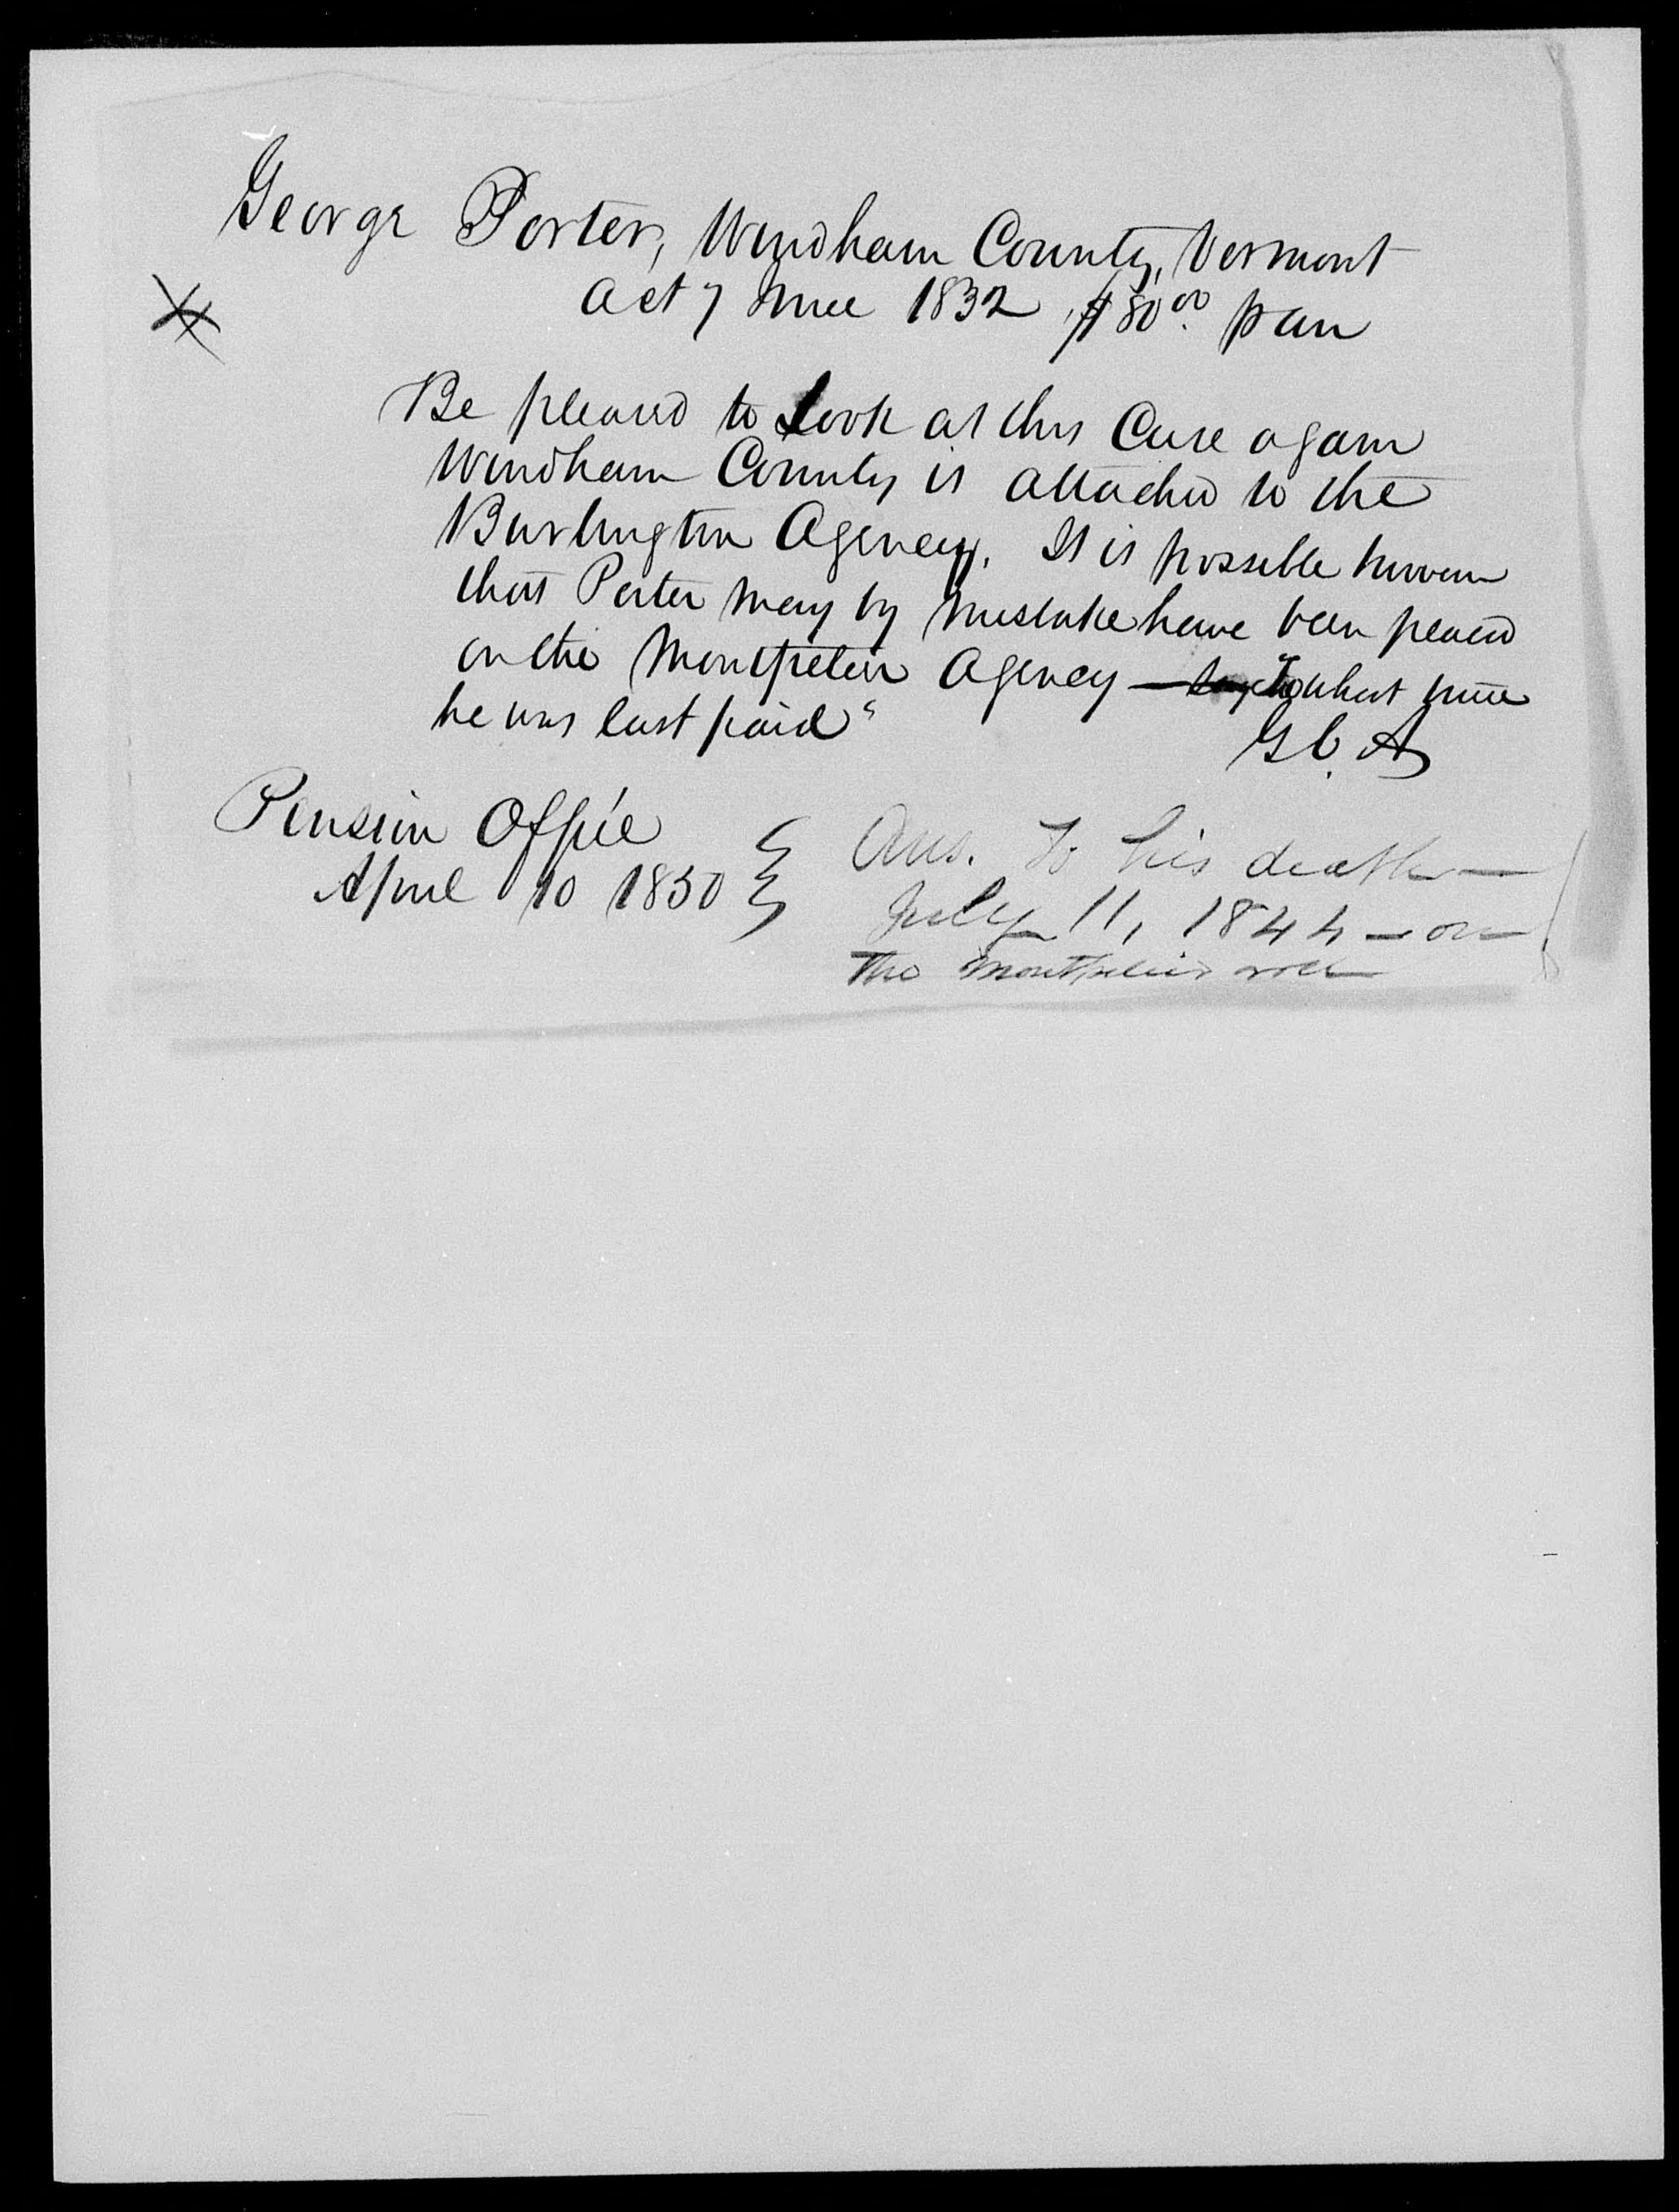George Porter, Windham County Vermont
Act 7 June 1832, $80.00 pan
Be pleased to look at this case again Windham County is attached to the Burlington Agency. It is possible even that Porter may by mistake have been placed on the Montpelier agency- to what time he was last paid?

Pension Office
April 10 1850

Ans. to his death, July 11, 1844, on the Montpelier roll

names: George Porter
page: 38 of 49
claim: widow's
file: W. 2164, for George Porter, Massachusetts